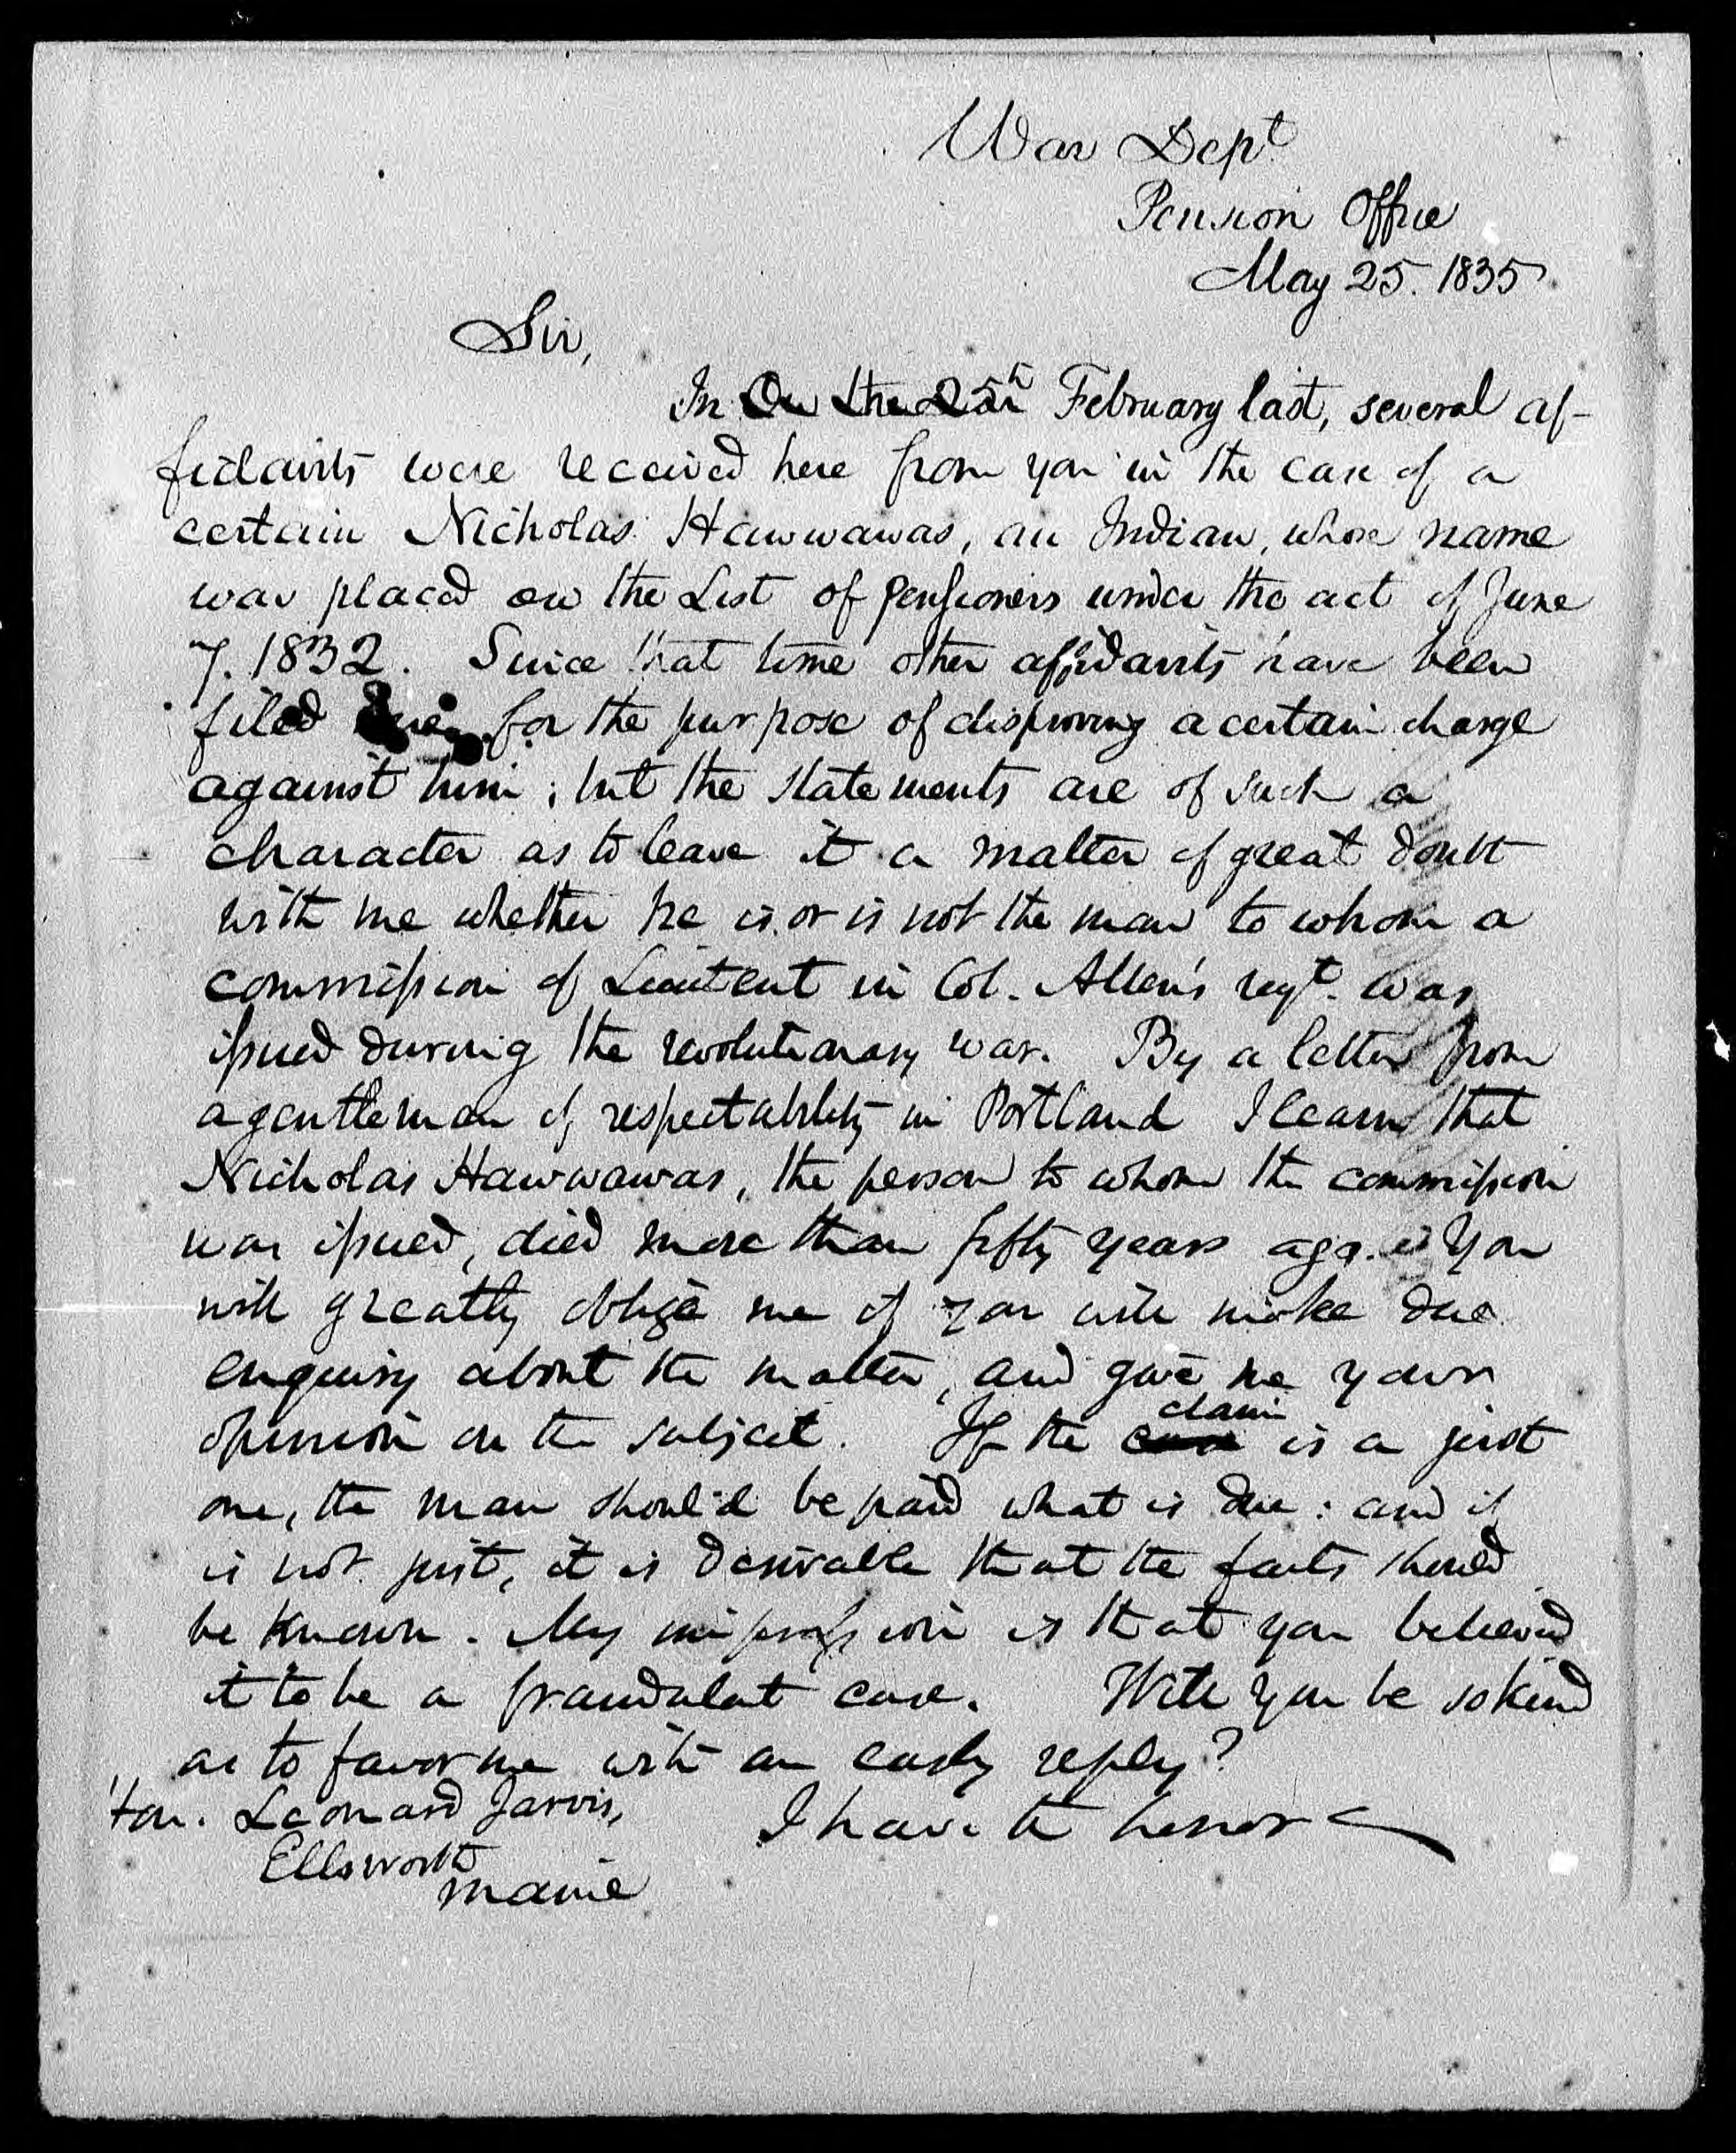War Dept
Pension Office
May 25. 1835

Sir,

In February last, several affidavits were received here from you in the [case] of a certain Nicholas Hawwawas, an Indian whose name was placed on the List of Pensions under the act of June 7. 1832. Since that time other affidavits have been filed for the purpose of disproving a certain charge against him, but the statements are of such a character as to leave it a matter of great doubt with me whether he is or is not the man to whom a commission of Lieutenant in Col. Allen's regt. was issued during the revolutionary war. By a letter from a gentleman of respectability - in Portland I learn that Nicholas Hawwawas, the person to whom the commission was issued, died more than fifty years ago. You will greatly oblige me if you will make an enquiry about the matter, and give me your opinion on the subject. If the claim is a just one, the man should be paid what is due and if is not just, it is desirable that the [faults] should be known. My impression is that you believed it to be a fraudulent case. Will you be so kind as to favor me with an [early] reply?
I have the honor

Hon. Leonard Jarvis, Ellsworth
Maine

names: Nicholas Hawwawas, Leonard Jarvis, Nicholas Hawwawas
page: 47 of 52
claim: survivor's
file: S 17997, Nicholas Hawwawas, Mass.